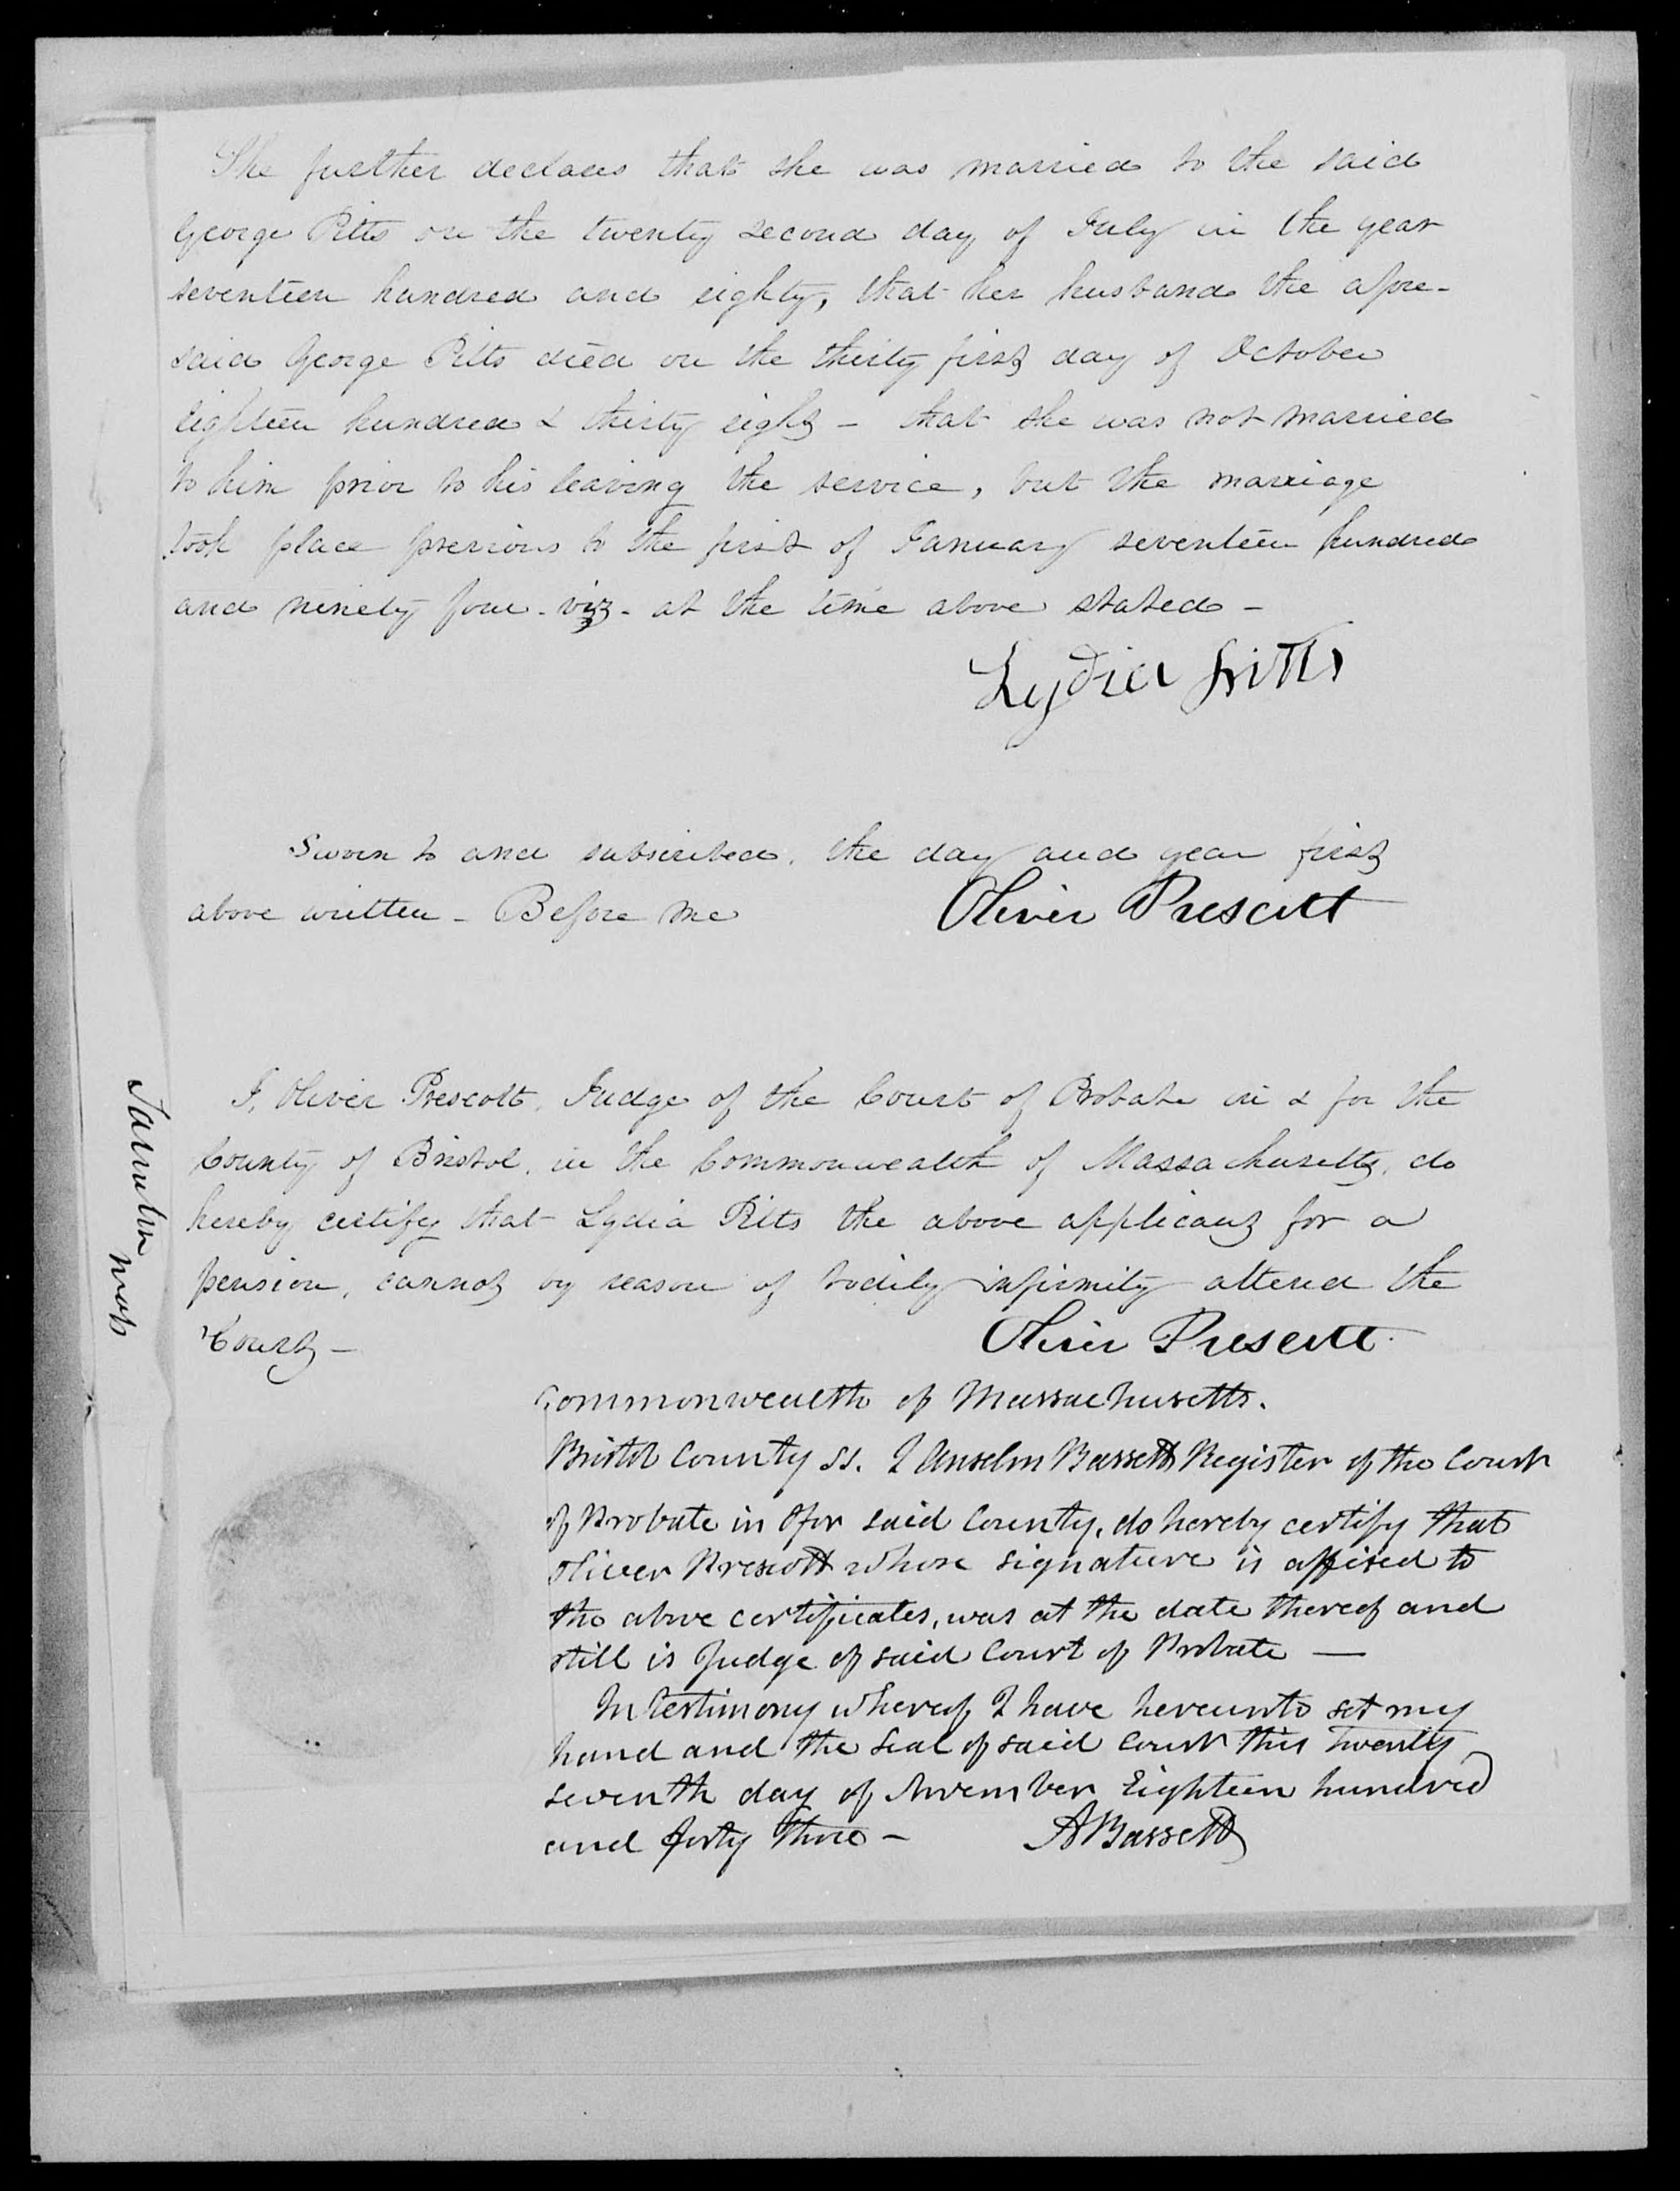She further declares that she was married to the said
George Pitts on the twenty second day of July in the year
seventeen hundred and eighty, that her husband the aforesaid
George Pitts dec'd on the thirty first day of October
Eighteen hundred & thirty eight--that she was not married
to him prior to his having the service, but the marriage
took place previous to the first of January seventeen hundred
and ninety five viz. at the time above stated.

Lydia Pitts

Sworn to and subscribed, the day and year first
above written. Before me     

Oliver Prescott

I, Oliver Prescott, Judge of the Court of Probate in & for the
County of Bristol in the Commonwealth of Massachusetts, do
hereby certify that Lydia Pitts the above applicant for a 
pension cannot by reason of bodily infirmity attend the
Court.

Oliver Prescott

Commonwealth of Massachusetts
Bristol County

I, Anselm Bassett, Register of the Court
of Probate in & for said County, do hereby certify that
Oliver Prescott whose signature is affixed to
the above certificates, was at the date thereof and
still is Judge of said Court of Probate--
In testimony whereof I have hereunto set my
hand and the Seal of said Court this twenty
seventh day of November Eighteen hundred
and forty two.

A. Bassett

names: Lydia Pitts; Oliver Prescott; Goerge Pitts; A Bassett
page: 12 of 54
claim: widow's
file: W. 26,897, for George Pitts, Massachusetts